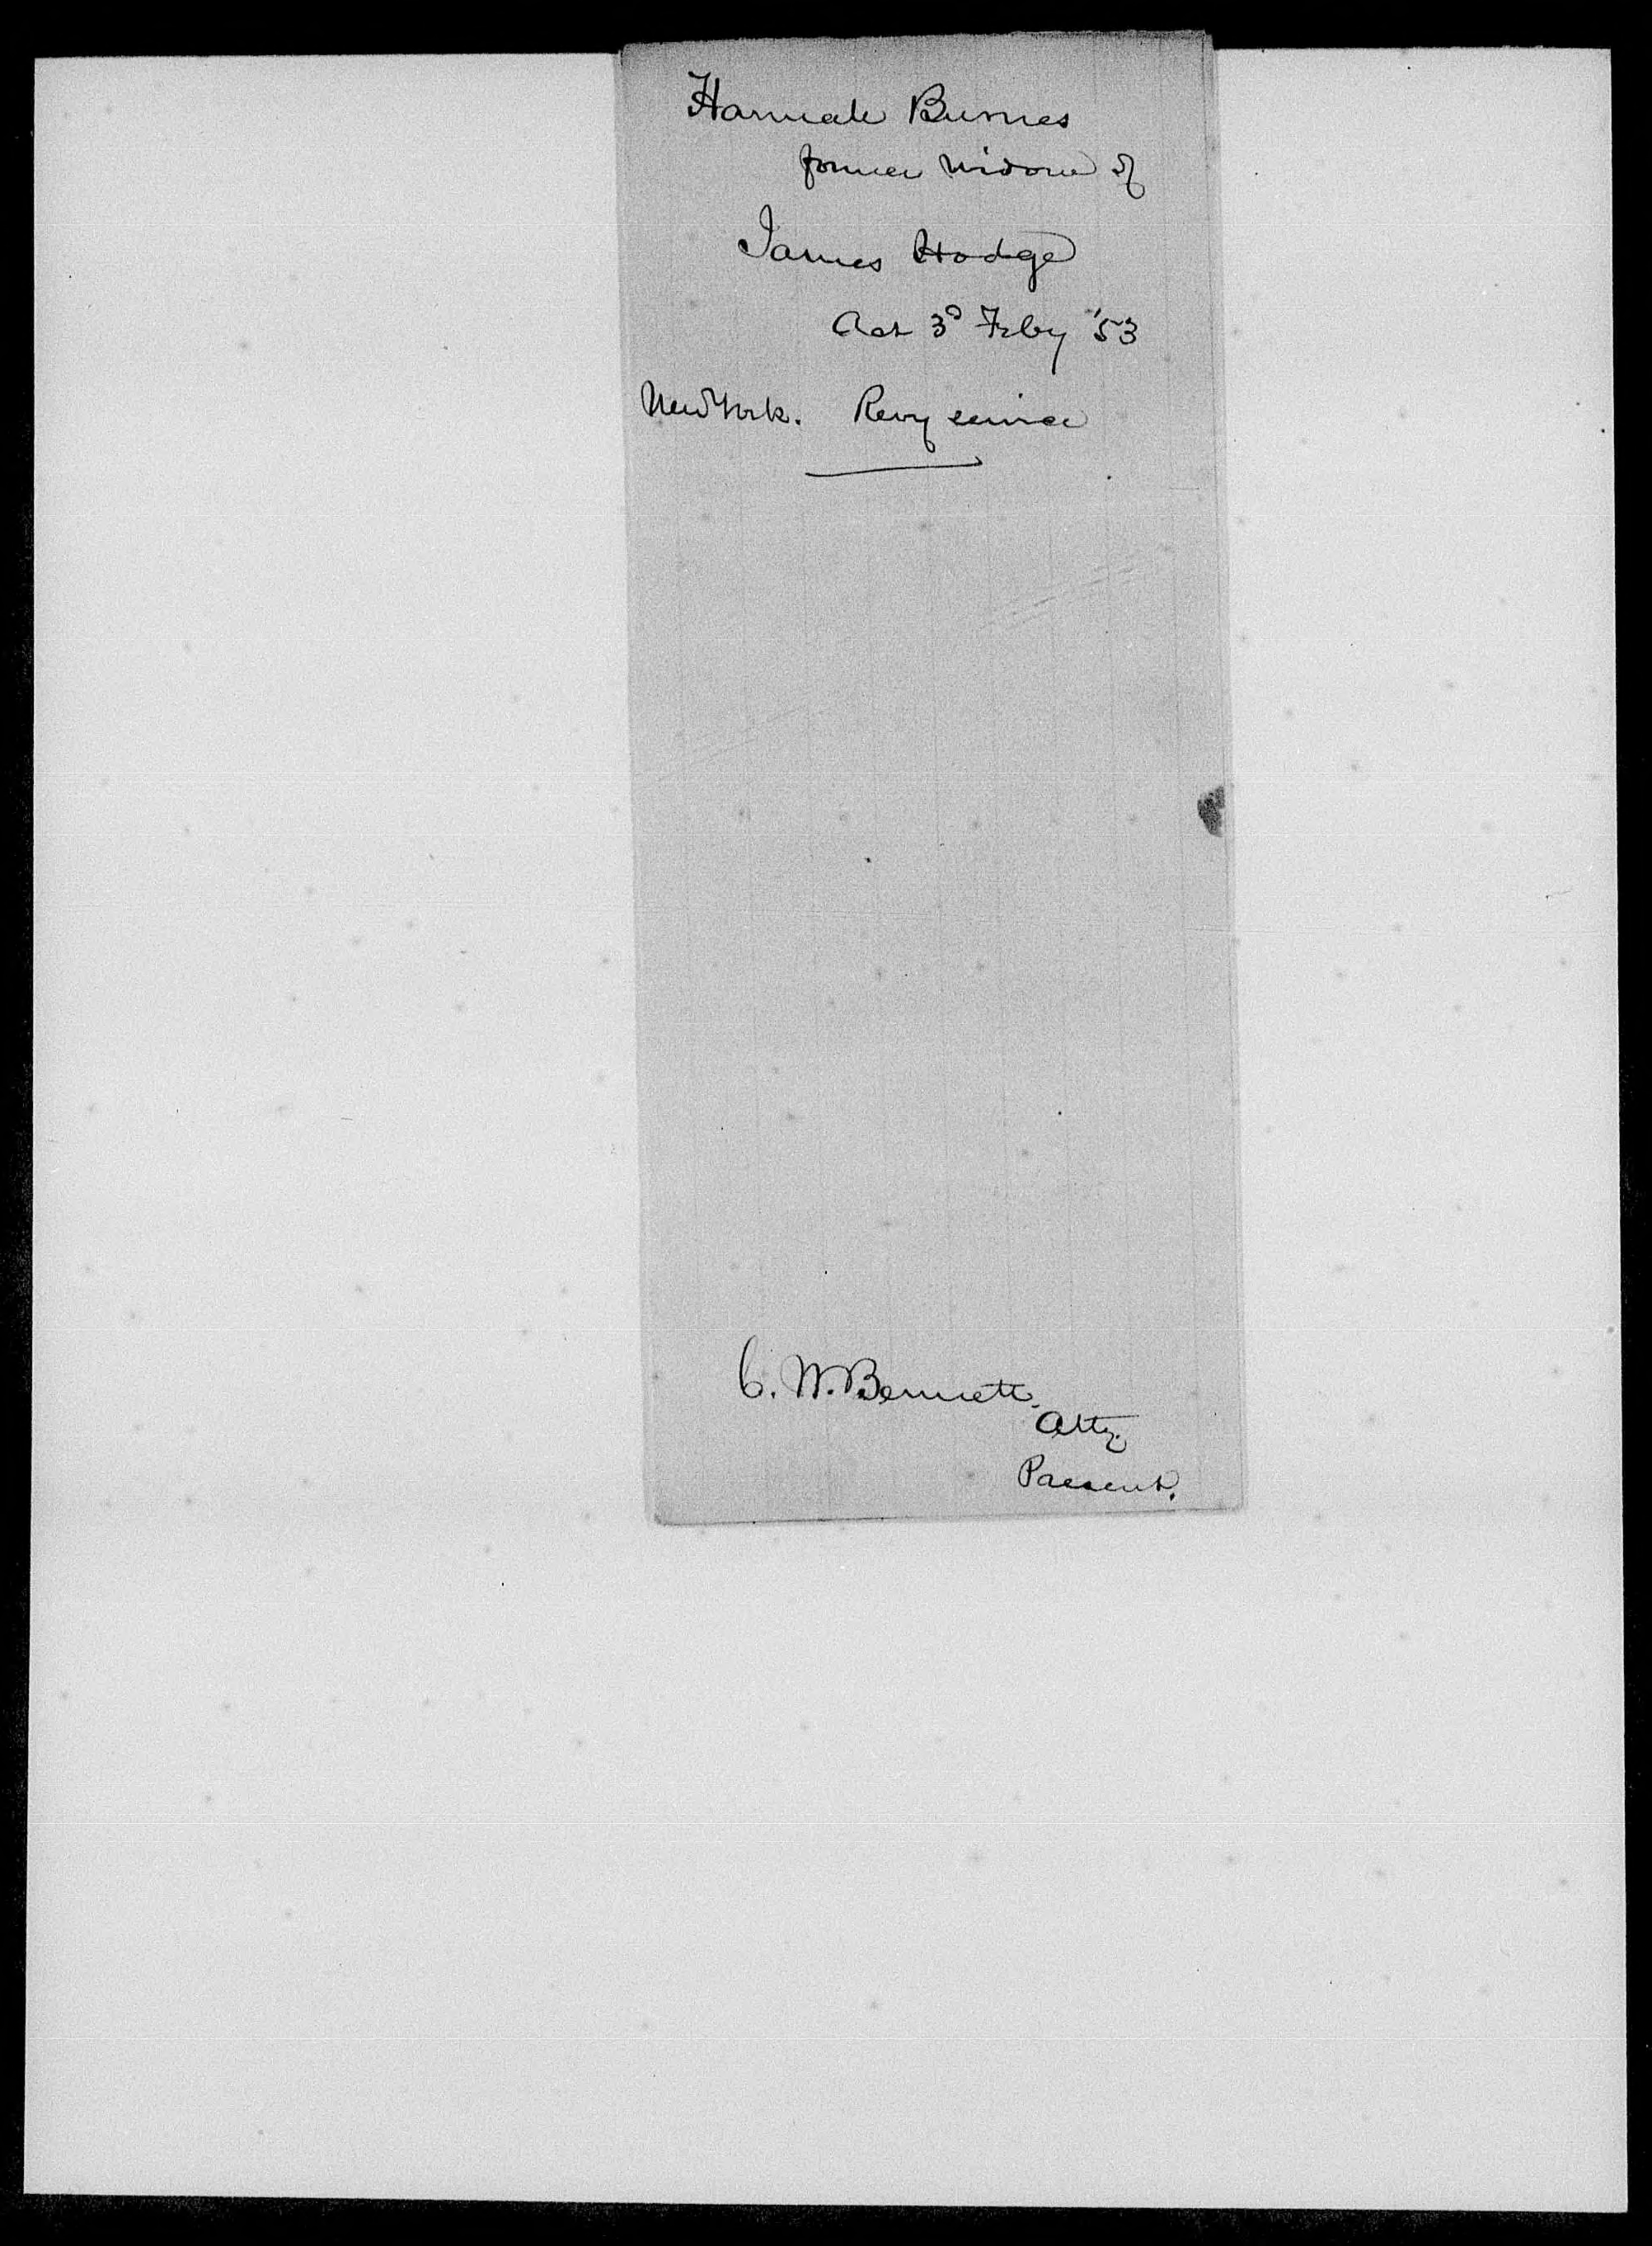Hannah Barnes
former widow of 
James Hodge
A.D. 3rd February '53
New York (illegible)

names: C W Bennett, James Hodge, Hannah Burnes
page: 33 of 48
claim: widow's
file: W. 10476, James Hodge, New York